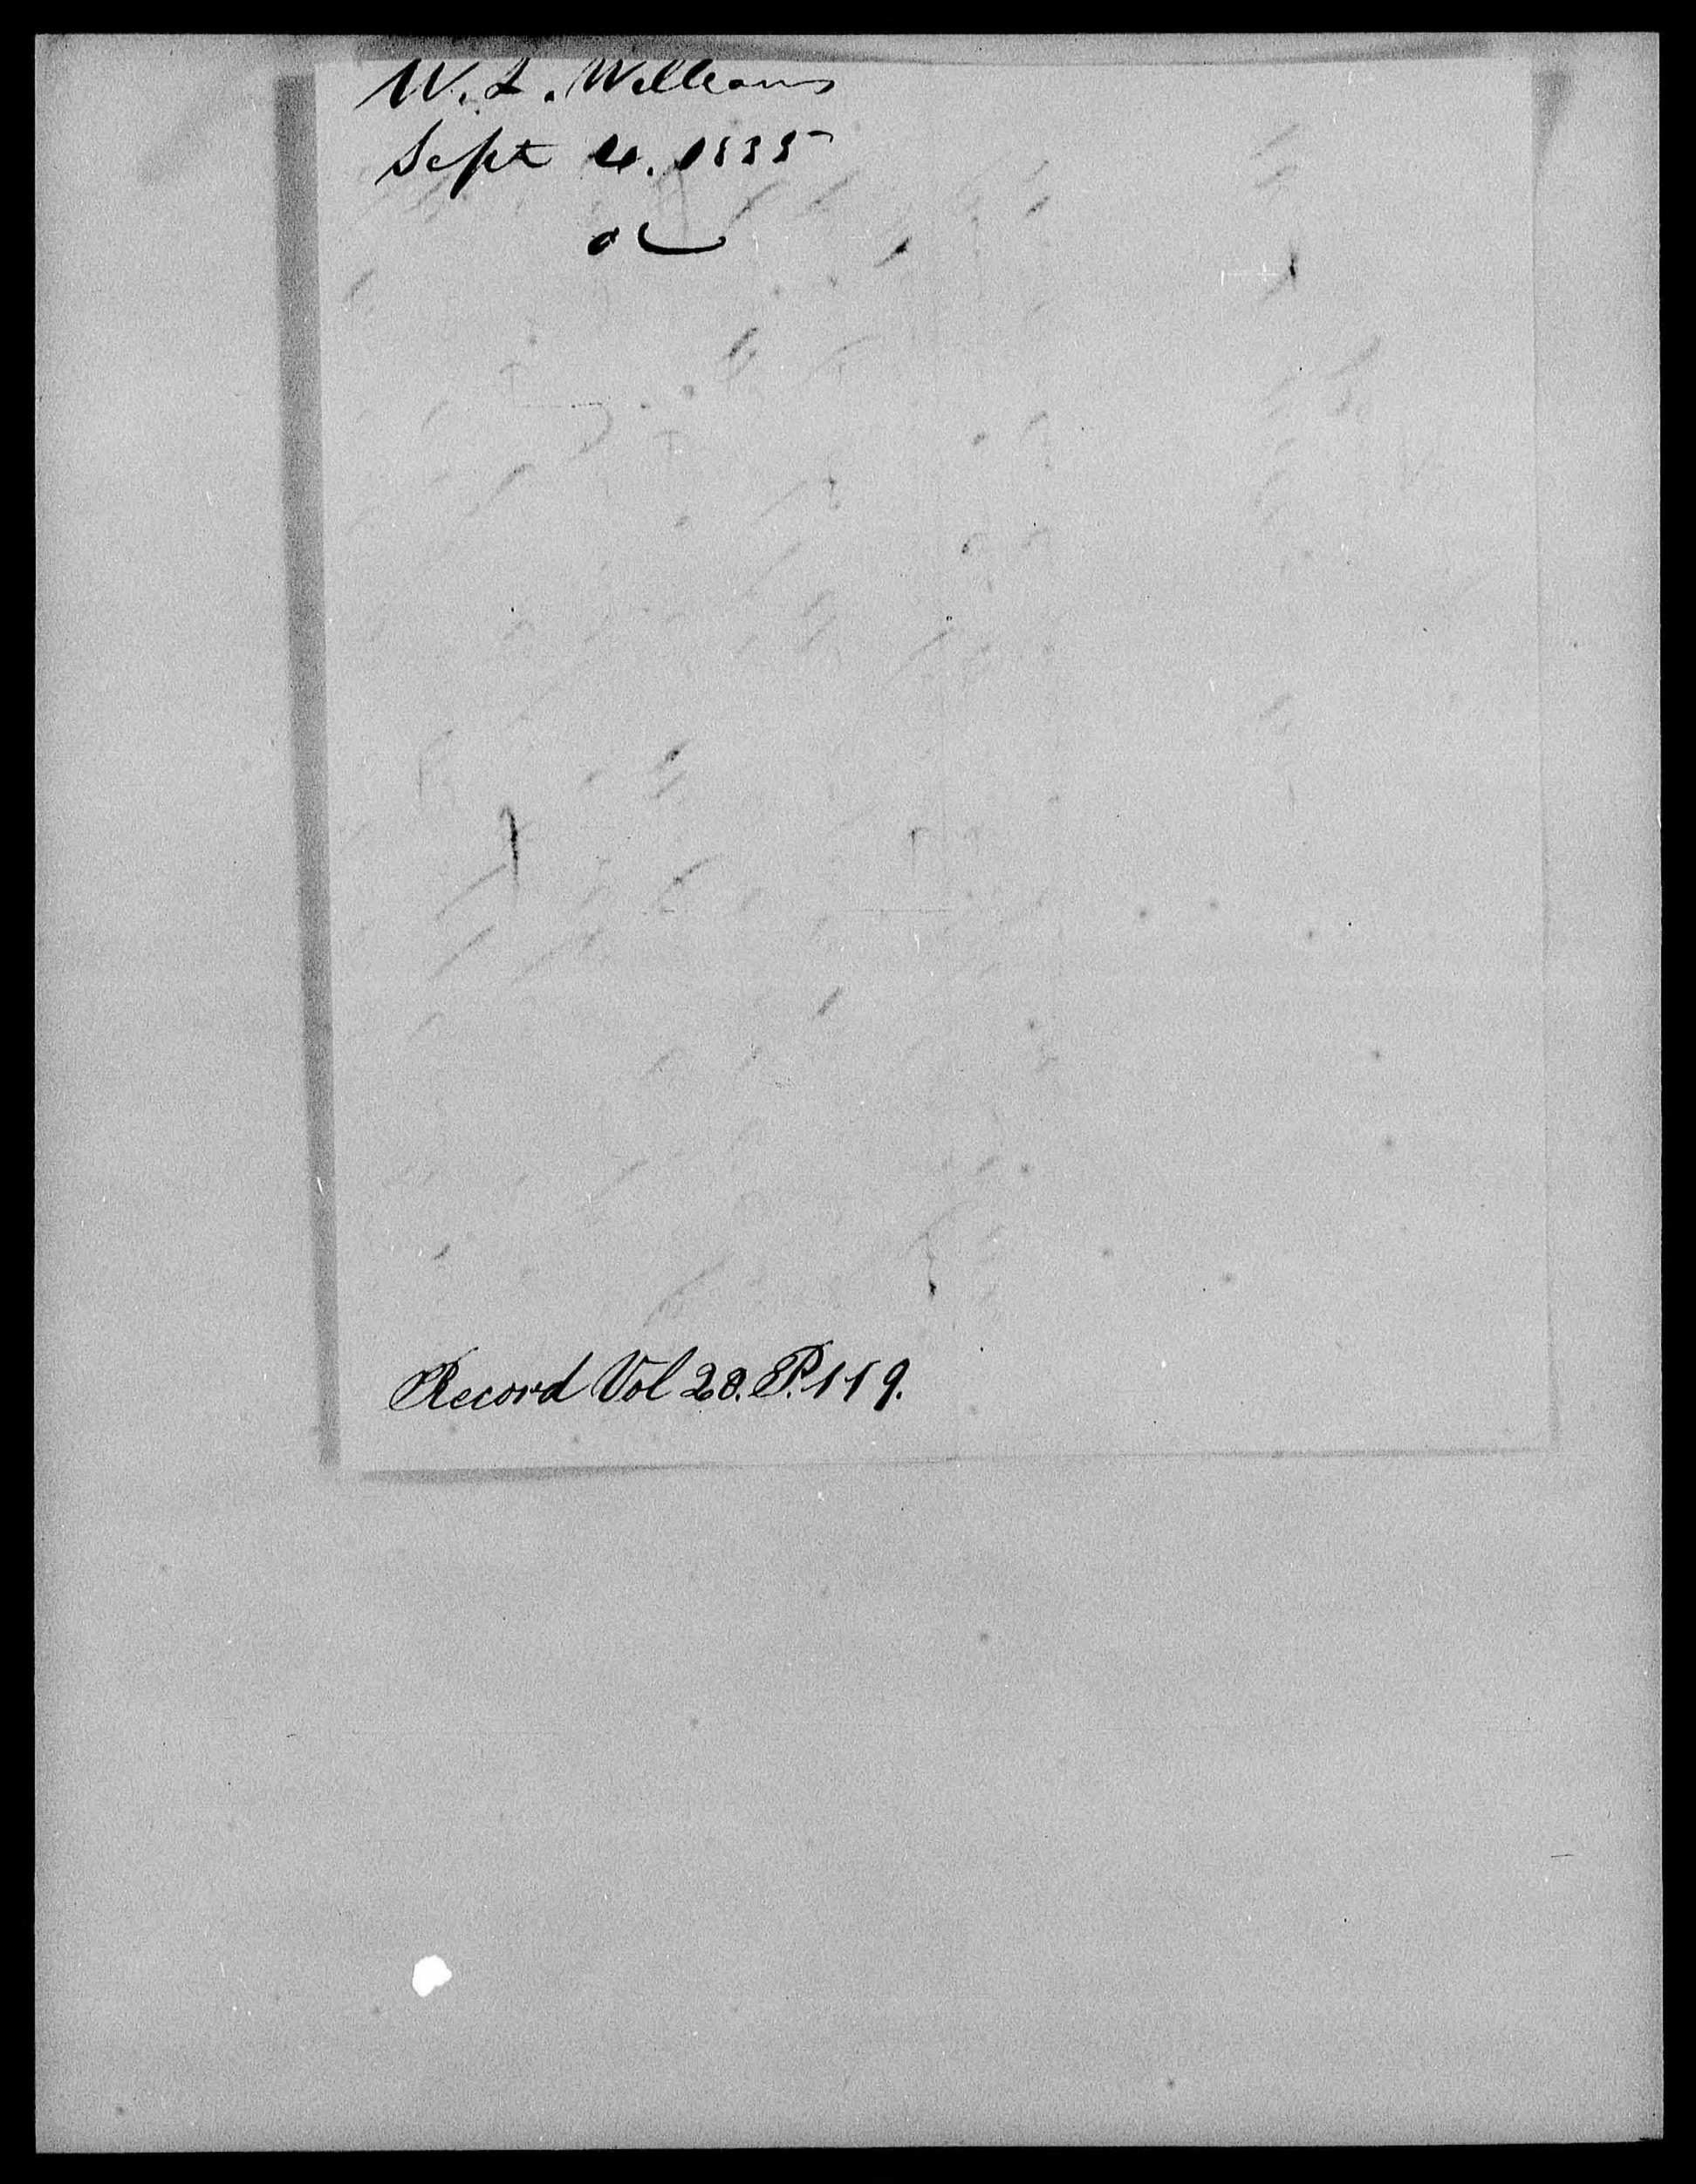W.L. Williams
Sept 4. 1835
OC

Record Vol 28. P. 119.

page: 23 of 33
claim: rejected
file: R 10439, for William Taylor, North Carolina